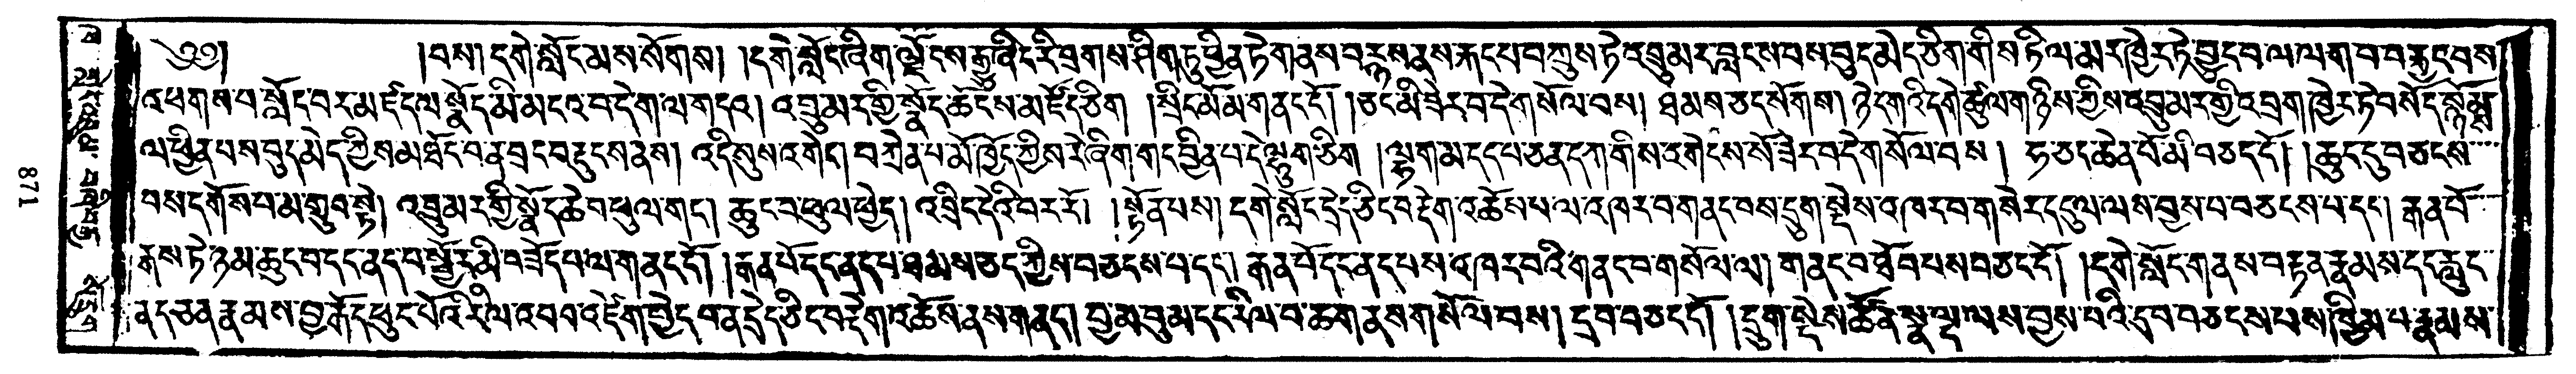༄༅། །བས། དགེ་སློང་མས་སོགས། །དགེ་སློང་ཞིག་ལྗོངས་རྒྱུ་ཞིང་རི་བྲགས་ཤིག་ཏུ་ཕྱིན་ཏེ་གནས་བརྙས་ནས་རྐང་པ་བཀྲུས་ཏེ་འབྲུ་མར་བླངས་པས་བུད་མེད་ཅིག་གིས་ཏིལ་མར་ཁྱེར་ཏེ་བྱུང་བ་ལ་ལག་བ་བརྐྱང་བས་
འཕགས་པ་སློད་བར་མཛད་ལ་སྣོད་མི་མངའ་བ་དེ་ག་ལ་གདའ། འབྲུ་མར་གྱི་སྣོད་ཆོངས་མཛོད་ཅིག །སྲིང་མོ་མ་གནང་ངོ། །ཅང་མི་ཟེར་བ་དེ་གསོལ་བས། ཐམས་ཅད་སོགས། ཉེ་དགའི་དགེ་ཚུལ་གཉིས་ཀྱིས་འབྲུ་མར་གྱི་འབྲག་ཁྱེར་ཏེ་བསོད་སྙོམས་
ལ་ཕྱིན་པས་བུད་མེད་ཀྱིས་མཐོང་བ་ན་བྲང་བརྡུངས་ནས། འདི་སུས་འགེང་། བཀྲེན་པ་མོ་ཁྱོད་ཀྱིས་རེ་ཞིག་གང་བྱིན་པ་དེ་ལྷུག་ཅིག །ལྷག་མ་དད་པ་ཅན་དག་གིས་འགེངས་སོ་ཟེར་བ་དེ་གསོལ་བས། ཧ་ཅང་ཆེན་པོ་མི་བཅད་དོ། །ཆུང་དུ་བཅངས་
བས་དགོས་པ་མ་གྲུབ་སྟེ། འབྲུ་མར་གྱི་སྣོད་ཆེ་བ་ཕུལ་གང་། ཆུང་བ་ཕུལ་ཕྱེད། འབྲིང་དེའི་བར་རོ། །སྟོན་པས། དགེ་སློང་དྲེད་ཅིང་བརྡེག་འཆོས་པ་ལ་འཁར་བ་གནང་བས་དྲུག་སྡེས་འཁར་བ་གསེར་དངུལ་ལས་བྱས་པ་བཅངས་པ་དང་། རྒན་པོ་
རྒས་ཏེ་ཉམ་ཆུང་བ་དང་ནད་པ་སྦྱོར་མི་བཟོད་པ་ལ་གནང་ངོ། །རྒན་པོ་དང་ནད་པ་ཐམས་ཅད་ཀྱིས་བཅངས་པ་དང་། རྒན་པོ་དང་ནད་པས་འཁར་བའི་གནང་བ་གསོལ་ལ། གནང་བ་ཐོབ་པས་བཅང་ངོ། །དགེ་སློང་གནས་བརྟན་རྣམས་དང་རླུང་
ནད་ཅན་རྣམས་བྱ་རྒོད་ཕུང་པོའི་རིལ་འབབ་འཛེག་བྱེད་བ་ན་དྲེད་ཅིང་བརྡེག་འཆོས་ནས་གནད། བྱ་མ་བུམ་དང་རིལ་བ་ཆག་ནས་གསོལ་བས། དྲ་བ་བཅང་ངོ། །དྲུག་སྡེས་ཚོན་སྣ་ལྡ་ལས་བྱས་པའི་དྲ་བ་བཅངས་པས་ཁྱིམ་པ་རྣམས་